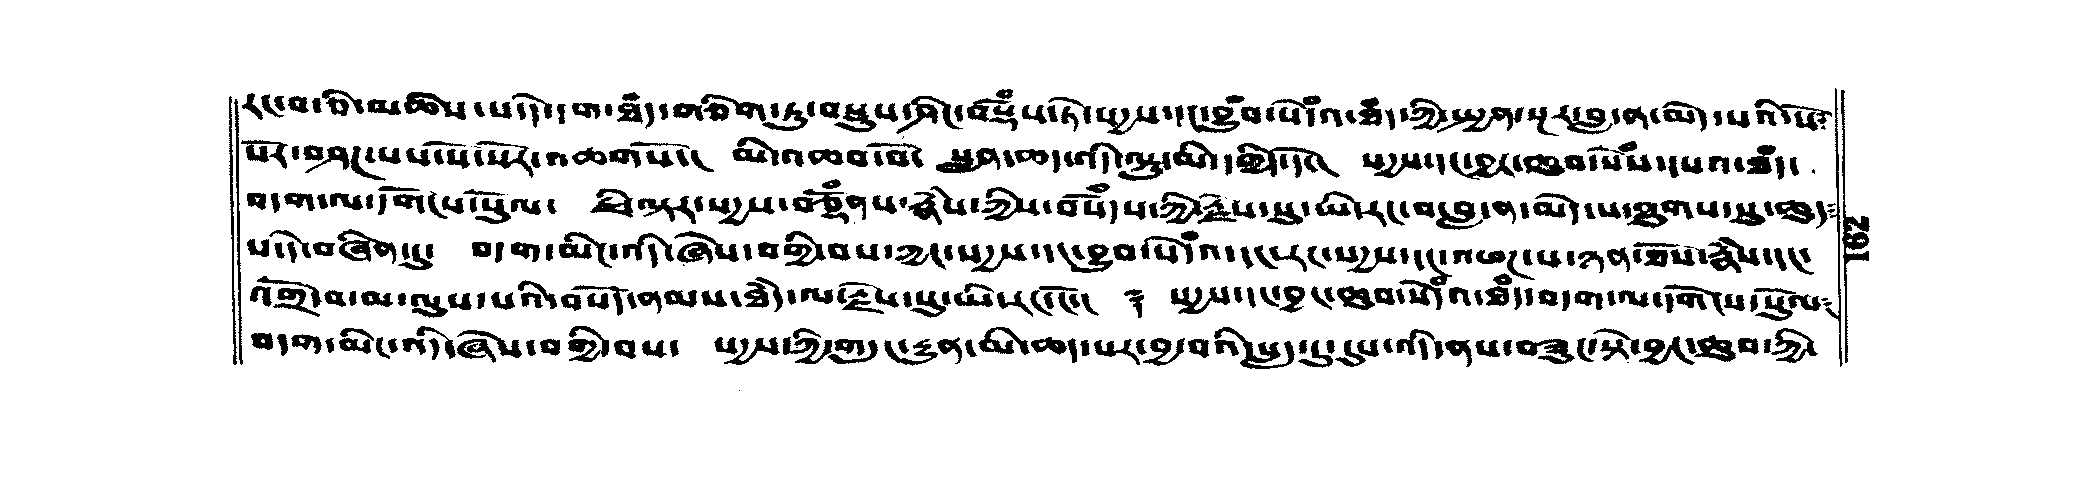རང་བ་ཅི་མཆིས་པ་དེ་དག་ཐམས་གཅག་ཏུ་བསྡུས་ཤིང་བསྡོམས་ཏེ་སངས་རྒྱས་དང་བྱང་ཆུབ་སེམས་དཔའ་ཐམས་ཅད་ཀྱི་སྤྱན་སྔར་བླ་ན་མེད་པའི་སོ་
སོར་བཤགས་པས་སོ་སོར་འཆགས་སོ། མི་འཆབ་བོ། སླན་ཆད་འདི་ལྟ་བུ་མི་དགྱིད་དོ། སངས་རྒྱས་དང་བྱང་ཆུབ་སེམས་དཔའ་ཐམས་ཅད་
བདག་ལ་དགོངས་སུ་གསོལ། ཇི་ལྟར་སངས་རྒྱས་བཅོམ་ལྡན་འདས་རྣམས་ཀྱི་བསོད་ནམས་ཀྱི་རྗེས་སུ་ཡི་རང་བ་བླ་ན་མེད་པ་ཐུགས་སུ་ཆུད་
པ་དེ་བཞིན་དུ། བདག་མིང་འདི་ཞེས་བགྱི་བས་ཀྱང་སངས་རྒྱས་དང་བྱང་ཆུབ་སེམས་དཔའ་དང་རང་འཕགས་པ་ཉན་ཐོས་རྣམས་དང་
འགྲོ་བ་མ་ལུས་པའི་བསོད་ནམས་ཐམས་ཅད་ལ་རྗེས་སུ་ཡི་རང་ངོ་། ༈ སངས་རྒྱས་དང་བྱང་ཆུབ་སེམས་དཔའ་ཐམས་ཅད་བདག་ལ་དགོངས་སུ་གསོལ། 
བདག་མིང་འདི་ཞེས་བགྱི་བས། སངས་རྒྱས་ཀྱི་གདུང་རྒྱུན་མི་ཆད་པར་བྱ་བའི་སླད་དུ་དུས་འདི་ནས་བཟུང་སྟེ་བྱང་ཆུབ་ཀྱི་